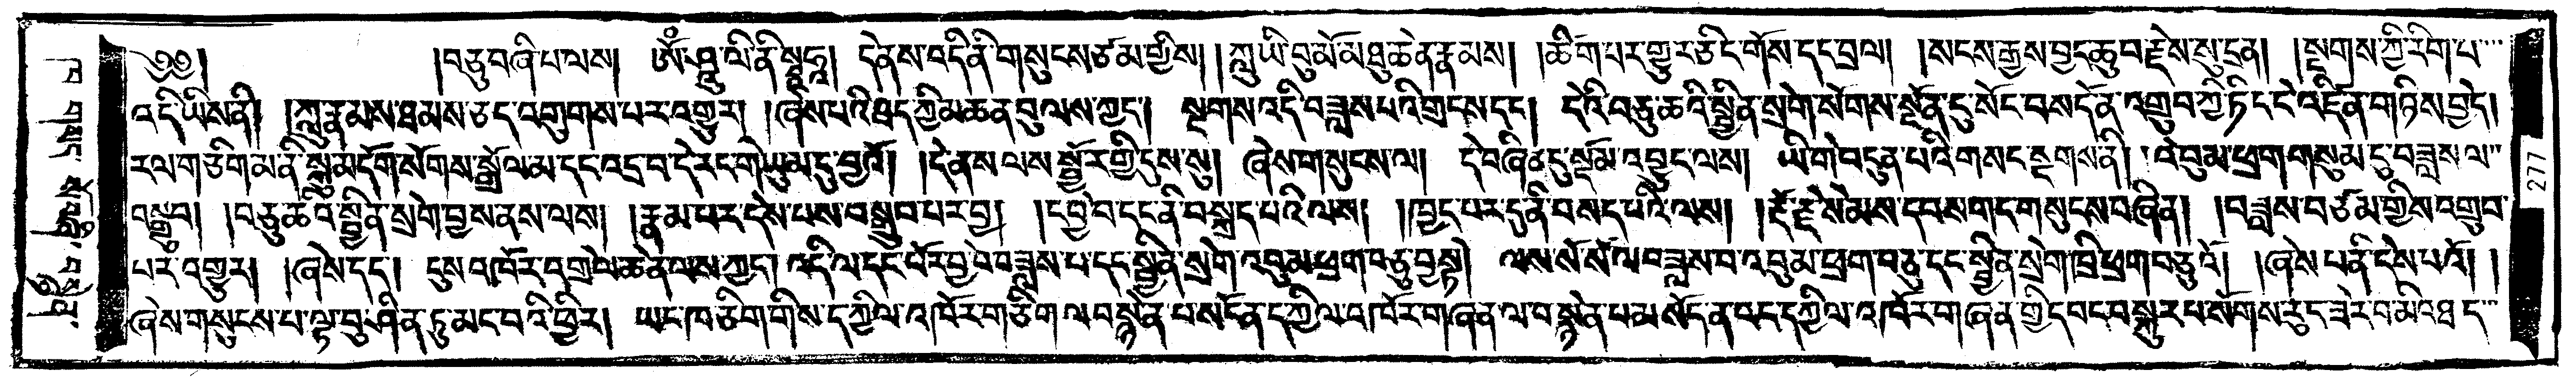༄༅། །བཅུ་བཞི་པ་ལས། ཨོཾ་ཤཱུ་ལི་ནི་སྭཱཧཱ། དེ་ནས་འདི་ནི་གསུངས་ཙམ་གྱིས། །ཀླུ་ཡི་བུ་མོ་མཐུ་ཆེན་རྣམས། །ཚིག་པར་གྱུར་ཅིང་གོས་དང་བྲལ། །སངས་རྒྱས་བྱང་ཆུབ་རྗེས་སུ་དྲན། །སྔགས་ཀྱི་རིག་པ་
འདི་ཡིས་ནི། །ཀླུ་རྣམས་ཐམས་ཅད་འགུགས་པར་འགྱུར། །ཞེས་པའི་ཐད་ཀྱི་མཆན་བུ་ལས་ཀྱང་། སྔགས་འདི་བཟླས་པའི་གྲངས་དང་། དེའི་བཅུ་ཆའི་སྦྱིན་སྲེག་སོགས་སྔོན་དུ་སོང་བས་དོན་འགྲུབ་ཀྱི་ཏིང་ངེ་འཛིན་གཉིས་བྱེད།
རལ་གཅིག་མ་ནི་སྐུ་མདོག་སོགས་སྒྲོལ་མ་དང་འདྲ་བ་དེ་རང་གེ་ཡུམ་དུ་བྱའོ། །དེ་ནས་ལས་སྦྱོར་གྱི་དུས་སུ། ཞེས་གསུངས་ལ། དེ་བཞིན་དུ་སྡོམ་འབྱུང་ལས། ཡི་གེ་བདུན་པའི་གསང་སྔགས་ནི། །འབུམ་ཕྲག་གསུམ་དུ་བཟླས་ལ་
བསྒྲུབ། །བཅུ་ཆའི་སྦྱིན་སྲེག་བྱས་ནས་ལས། །རྣམ་པར་དེས་པས་བསྒྲུབ་པར་བྱ། །དབྱེ་བ་དང་ནི་བསྐྲད་པའི་ལས། །ཁྱད་པར་དུ་ནི་བསད་པའི་ལས། །རྡོ་རྗེ་སེམས་དཔས་གང་གསུངས་བཞིན། །བཟླས་བ་ཙམ་གྱིས་འགྲུབ་
པར་འགྱུར། །ཞེས་དང་། དུས་འཁོར་འགྲེལ་ཆེན་ལས་ཀྱང་། འདི་ལ་དང་པོར་བྱ་བེ་བཟླས་པ་དང་སྦྱིན་སྲེག་འབུམ་ཕྲག་བཅུ་བྱ་སྟེ། ལས་སོ་སོ་ལ་བཟླས་པ་འབུམ་ཕྲག་བཅུ་དང་སྦྱིན་སྲེག་ཁྲི་ཕྲག་བཅུའོ། །ཞེས་པ་ནི་ངེས་པའོ། །
ཞེས་གསུངས་པ་ལྟ་བུ་ཤིན་ཏུ་མང་བའི་ཕྱིར། ཡང་ཁ་ཅིག་གིས་དཀྱིལ་འཁོར་གཅིག་ལ་བསྙེན་པ་སོང་ན་དཀྱིལ་འཁོར་གཞན་ལ་བསྙེན་པ་མ་སོང་ན་འང་དཀྱིལ་འཁོར་གཞན་གྱི་དབང་བསྐུར་པ་སོགས་རུང་ཟེར་བ་མི་འཐད་